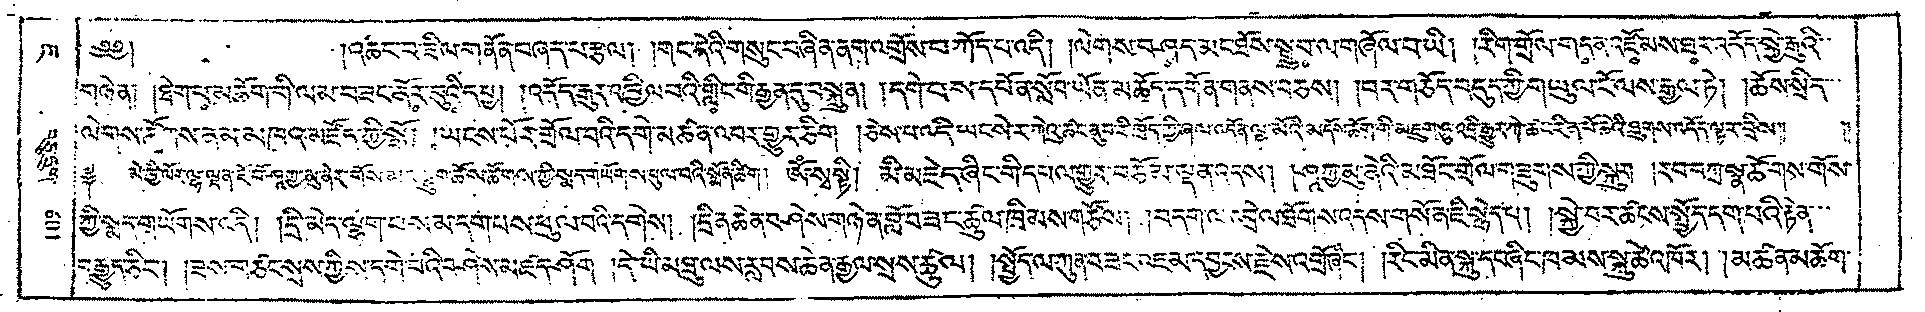༄༅། །འཆང་བ་ཟིལ་གནོན་བཞད་པ་རྩལ། །གང་དེའི་གསུང་བཞིན་ནག་འགྲོས་བཀོད་པ་འདི། །ལེགས་བཤད྾་མང་ཐོས་སྒྲུབ྾་ལ་གཞོལ་བ་ཡི། །རིག་གྲོལ་གདན྾་འཛོམས྾་ཐར྾་འདོད་སྐྱེ་རྒུའི་
གཉེན། །ཐེག་པ྾་མཆོག་གི་ལམ་བཟང་ནོར྾་བུའི྾་དཔྱ། །འདོད་རྒུར་འཁྱིལ་བའི་གླིང྾་གི་རྒྱན་དུ་བསྐྲུན། །དགེ་བས་དཔོན་སློབ་ཡོན་མཆོད་དགོན་གནས་བཅས། །བར་གཅོད་བདུད་ཀྱི་གཡུལ་ངོ་ལས་རྒྱལ་ཏེ། །ཆོས་སྲིད་
ལེགས་ཚོགས་ནམ་མཁའ་མཛོད་ཀྱི་སྒོ། །ཡངས་པོར་གྲོལ་བའི་དགེ་མཚན་འབར་གྱུར་ཅིག །ཅེས་པ་འདི་ཡང་སེ་ར་ཀེའུ་ཚང་ནུབ་རི་ཁྲོད་ཀྱི་ཞལ་འདོན་ལྷ་མོའི་མདོས་ཆོག་གི་མཇུག་ཏུ་འབྲི་རྒྱུར་ཀེ་ཚང་རིན་པོ་ཆེའི་ཐུགས་འདོད་ལྟར་བྲིས།། །།
༈ མེ་ཁྱི་ལོར་ལྷ་ལྡན་ཇོ་བོ་ཤཱཀྱ་མུ་ནེར་གོས་མང་ལྷུག་ཚོས་ཚོགས་ཀྱི་སྨད་གཡོགས་ཕུལ་བའི་སྨོན་ཚིག ། ཨོཾ་སྭ་སྟི། མི་མཇེད་ཞིང་གི་དཔལ་གྱུར་བཅོམ་ལྡན་འདས། །ཤཱཀྱ་མུ་ནེའི་མཐོང་གྲོལ་གཟུགས་ཀྱི་སྐུར། །རབ་བཀྲ་སྣ་ཚོགས་གོས་
ཀྱི་སྨད་གཡོགས་འདི། །དྲི་མེད་ལྷག་བསམ་དག་པས་ཕུལ་བའི་དགེས། །དྲིན་ཆེན་བཤེས་གཉེན་བློ་བཟང་ཚུལ་ཁྲིམས་གཙོས། །བདག་ལ་འབྲེལ་ཐོགས་འདས་གསོན་ཇི་སྙེད་པ། །སྐྱེ་བར་ཚངས་སྤྱོད་དག་པའི་རྟེན་
བརྒྱུད་ཅིང་། །ཟས་གཙང་སྲས་ཀྱིས་དགེ་བའི་བཤེས་མཛད་ཤོག །དེ་ཡི་མཐུ་ལས་རླབས་ཆེན་རྒྱལ་སྲས་ཚུལ། །སྤྱོད་ལ་ཀུན་བཟང་འཇམ་དབྱངས་རྗེས་འགྲོ་ཞིང་། །རིང་མིན་སྐུ་དང་ཞིང་ཁམས་སྐུ་ཚེ་འཁོར། །མཚན་མཆོག་